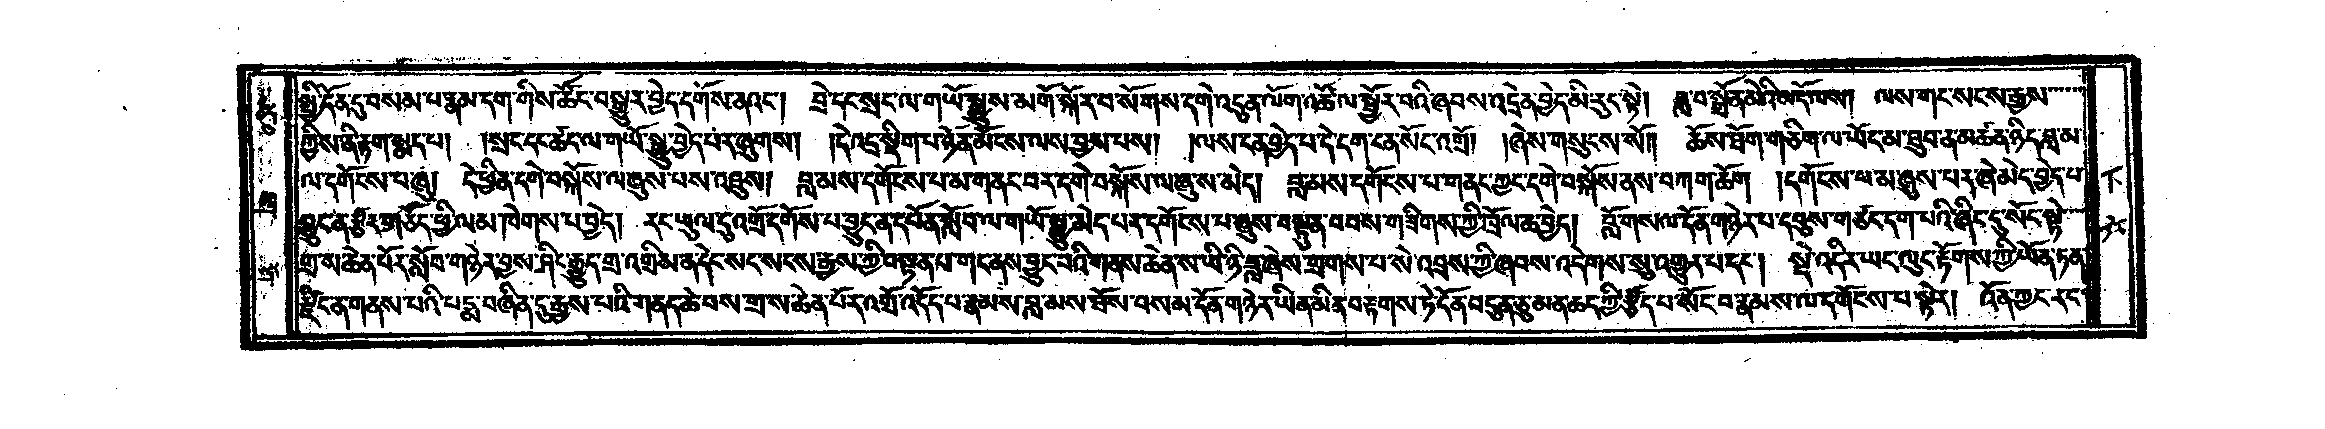སྤྱི་དོན་དུ་བསམ་པ་རྣམ་དག་གིས་ཚོང་བསྒྱུར་བྱེད་དགོས་ནའང་། བྲེ་དང་སྲང་ལ་གཡོ་སྒྱུས་མགོ་སྐོར་བ་སོགས་དགེ་འདུན་ལོག་འཚོ་ལ་སྦྱོར་བའི་ཞབས་འདྲེན་བྱེད་མི་རུང་སྟེ། ཟླ་བ་སྒྲོན་མེའི་མདོ་ལས། ལས་གང་སངས་རྒྱས་
ཀྱིས་ནི་རྟག་སྨད་པ། །སྲང་དང་ཚད་ལ་གཡོ་སྒྱུ་བྱེད་པར་ཞུགས། །དེ་འདྲ་སྡིག་པ་ཉོན་མོངས་ལས་བྱས་པས། །ལས་ངན་བྱེད་པ་དེ་དག་ངན་སོང་འགྲོ། །ཞེས་གསུངས་སོ།། ཆོས་ཐོག་གཅིག་ལ་ཡོང་མ་ཐུབ་ན་མཚན་ཉིད་བླ་མ་
ལ་དགོངས་པ་ཞུ། དེ་ཕྱིན་དགེ་བསྐོས་ལ་ཞུས་པས་འཐུས། བླ་མས་དགོངས་པ་མ་གནང་བར་དགེ་བསྐོས་ལ་ཞུ་ས་མེད། བླ་མས་དགོངས་པ་གནང་ཀྱང་དགེ་བསྐོས་ནས་བཀག་ཆོག །དགོངས་པ་མ་ཞུས་པར་ཞེ་མེད་བྱེད་པ་
བྱུང་ན་རྩར་གཅོད་ཕྱི་ལམ་ཁེགས་པ་བྱེད། རང་ཡུལ་དུ་འགྲོ་དགོས་པ་བྱུང་ན་དཔོན་སློབ་ལ་གཡོ་སྒྱུ་མེད་པར་དགོངས་པ་ཞུས་བསྟུན་བབས་གཟིགས་ཀྱི་ཁྲོལ་ཆ་བྱེད། བློ་གསལ་དོན་གཉེར་པ་དབུས་གཙང་དག་པའི་ཞིང་དུ་སོང་སྟེ་
གྲ་ས་ཆེན་པོར་སློབ་གཉེར་བྱས་ཤིང་རྒྱུད་གྲ་འགྲིམ་ན་དེང་སང་སངས་རྒྱས་ཀྱི་བསྟན་པ་གང་ནས་བྱུང་བའི་གནས་ཆེན་ས་ཡི་ཉི་ཟླ་ཞེས་གྲགས་པ་སེ་འབྲས་ཀྱི་ཞབས་འདེགས་སུ་འགྱུར་པ་དང་། སྡེ་འདིར་ཡང་ལུང་རྟོགས་ཀྱི་ཡོན་ཏན་
རྫིང་ན་གནས་པའི་པདམ་བཞིན་དུ་རྒྱས་པའི་གནད་ཆེ་བས་གྲ་ས་ཆེན་པོར་འགྲོ་འདོད་པ་རྣམས་བླ་མས་ཐོས་བསམ་དོན་གཉེར་ཡིན་མིན་བརྟགས་ཏེ་དོན་བདུན་ཅུ་མན་ཆད་ཀྱི་རྩོད་པ་སོང་བ་རྣམས་ལ་དགོངས་པ་སྟེར། འོན་ཀྱང་རང་